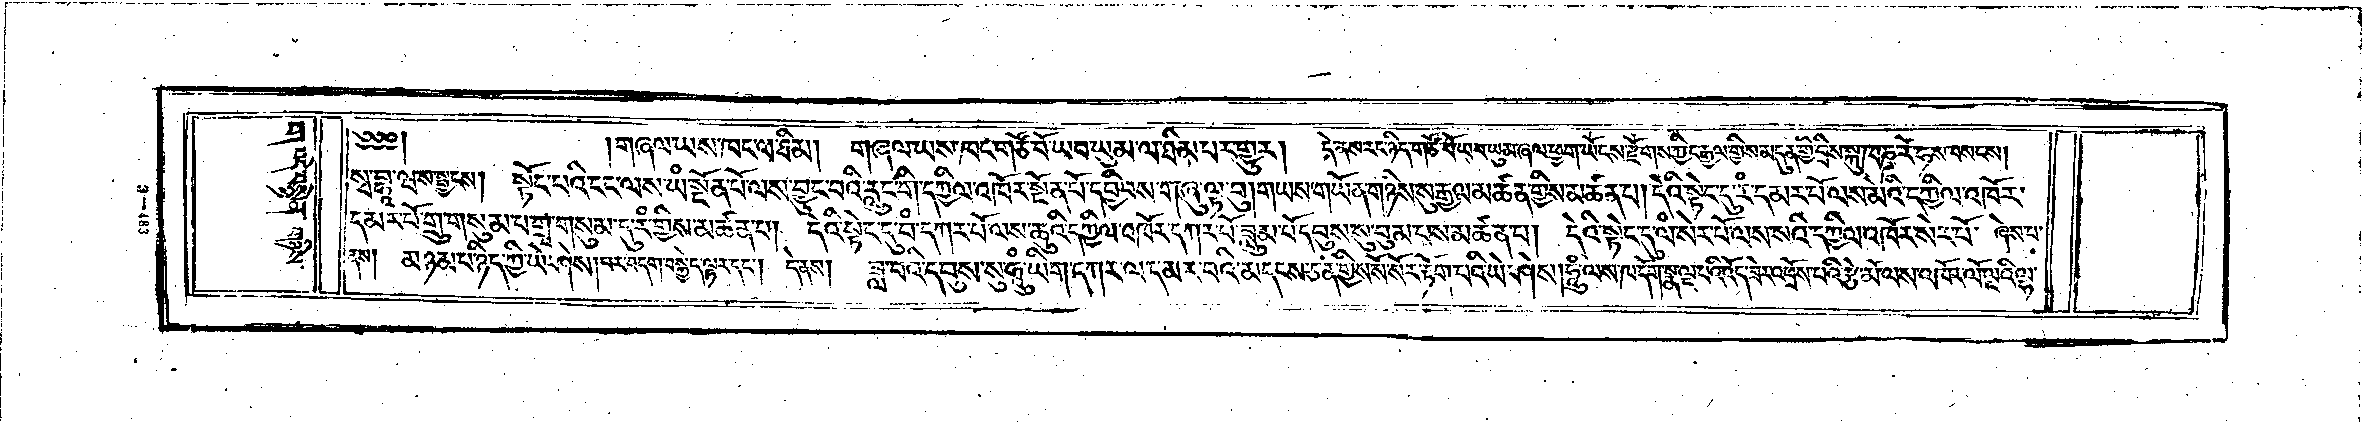༄༅༅། །གཞལ་ཡས་ཁང་པ་ཐིམ། གཞལ་ཡས་ཁང་གཙོ་བོ་ཡབ་ཡུམ་ལ་ཐིམ་པར་གྱུར། དེ་ནས་རང་ཉིད་གཙོ་བོ་ཡབ་ཡུམ་ཞལ་ཕྱག་ཡོངས་རྫོགས་ཀྱི་ང་རྒྱལ་གྱིས་མདུན་གྱི་བྲིས་སྐུ་ཁཎྜ་རོ་ཧས་བསངས།
སྭ་བྷཱ་ཝས་སྦྱངས། སྟོང་པའི་ངང་ལས་ཡཾ་སྔོན་པོ་ལས་བྱུང་བའི་རླུང་གི་དཀྱིལ་འཁོར་སྔོན་པོ་དབྱིབས་གཞུ་ལྟ་བུ། གཡས་གཡོན་གཉིས་སུ་རྒྱལ་མཚན་གྱིས་མཚན་པ། དེའི་སྟེང་དུ་རཾ་དམར་པོ་ལས་མེའི་དཀྱིལ་འཁོར་
དམར་པོ་གྲུ་གསུམ་པ་གྲྭ་གསུམ་དུ་རཾ་གྱིས་མཚན་པ། དེའི་སྟེང་དུ་བཾ་དཀར་པོ་ལས་ཆུའི་དཀྱིལ་འཁོར་དཀར་པོ་ཟླུམ་པོ་དབུས་སུ་ཡུམ་པས་མཚན་པ། དེའི་སྟེང་དུ་ལཾ་སེར་པོ་ལས་སའི་དཀྱིལ་འཁོར་སེར་པོ་ཞེས་པ་
ནས། མཉམ་པ་ཉིད་ཀྱི་ཡེ་ཤེས། པར་བདག་བསྐྱེད་ལྟར་དང་། དེ་ནས།  ཟླ་བའི་དབུས་སུ་ཧཱུཾ་ཡིག་དཀར་ལ་དམར་བའི་མདངས་ཅན་གྱིས་སོ་སོར་རྟོག་པའི་ཡེ་ཤེས། ཧཱུཾ་ལས་ཁ་དོག་སྣ་ལྔ་པའི་འོད་ཟེར་འཕྲོས་པའི་རྩེ་མོ་ལས་འཁོར་ལོ་ལྔའི་ལྷ་